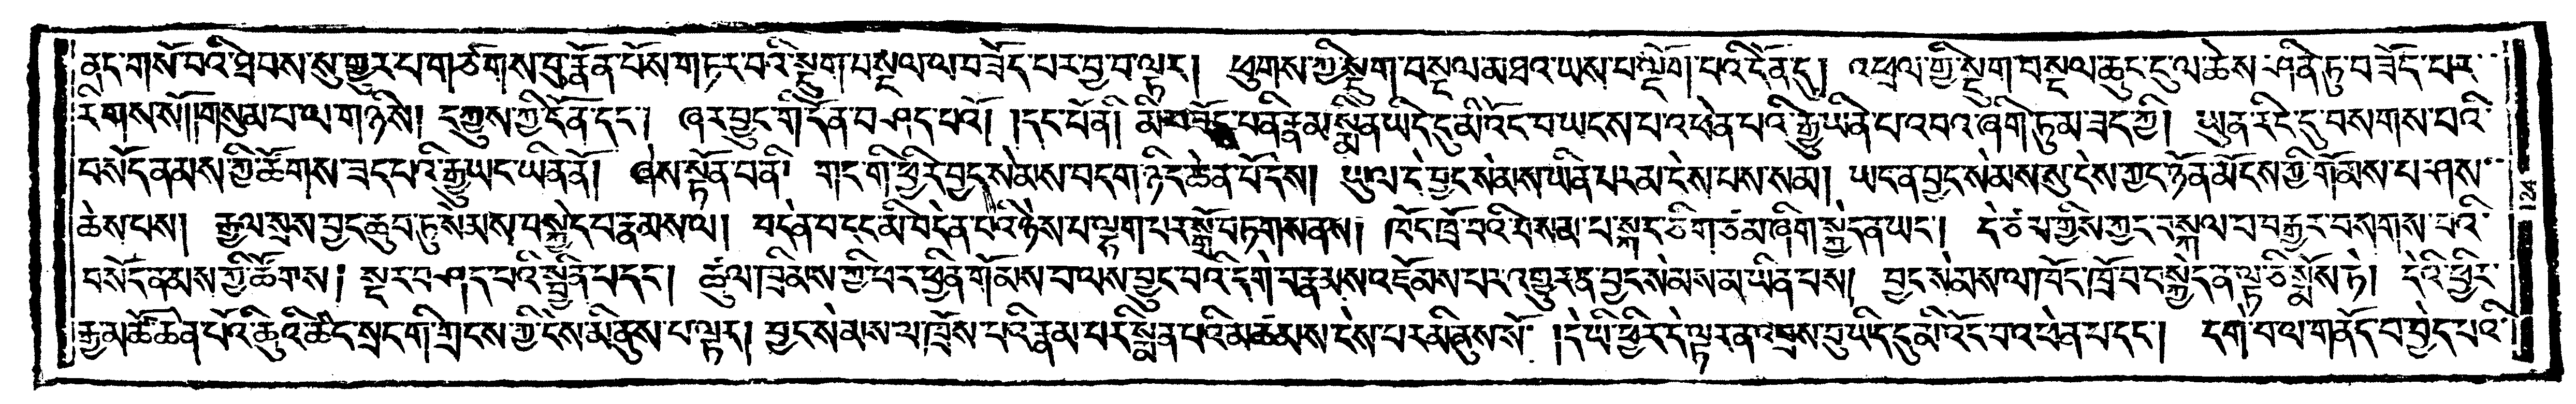ནད་གསོ་བའི་ཐབས་སུ་གྱུར་པ་གཙགས་བུ་རྣོན་པོས་གཏར་བའི་སྡུག་བསྔལ་ལ་བཟོད་པར་བྱ་བ་ལྟར། ཕུགས་ཀྱི་སྡུག་བསྔལ་མཐའ་ཡས་པ་ལྡོག་པའི་དོན་དུ། འཕྲལ་གྱི་སྡུག་བསྔལ་ཆུང་ངུ་ལ་ཆེས་ཤིན་ཏུ་བཟོད་པར་
རིགས་སོ། །གསུམ་པ་ལ་གཉིས། དཀྱུས་ཀྱི་དོན་དང་། ཞར་བྱུང་གི་དོན་བཤད་པའོ། །དང་པོ་ནི། མི་བཟོད་པ་ནི་རྣམ་སྨིན་ཡིད་དུ་མི་འོང་བ་ཡངས་པ་འཕེན་པའི་རྒྱུ་ཡིན་པ་འབའ་ཞིག་ཏུ་མ་ཟད་ཀྱི། ཡུན་རིང་དུ་བསགས་པའི་
བསོད་ནམས་ཀྱི་ཚོགས་ཟད་པའི་རྒྱུ་ཡང་ཡིན་ནོ། ཞེས་སྟོན་པ་ནི། གང་གི་ཕྱིར་བྱང་སེམས་བདག་ཉིད་ཆེན་པོ་དེས། ཡུལ་དེ་བྱང་སེམས་ཡིན་པར་མ་ངེས་པས་སམ། ཡང་ན་བྱང་སེམས་སུ་ངེས་ཀྱང་ཉོན་མོངས་ཀྱི་གོམས་པ་ཤས་
ཆེས་པས། རྒྱལ་སྲས་བྱང་ཆུབ་ཏུ་སེམས་བསྐྱེད་པ་རྣམས་ལ། བདེན་པ་དང་མི་བདེན་པའི་ཉེས་པ་ལྷག་པར་སྒྲོ་བཏགས་ནས། ཁོང་ཁྲོ་བའི་བསམ་པ་སྐད་ཅིག་ཙམ་ཞི་བསྐྱེད་ན་ཡང་། དེ་ཙམ་གྱིས་ཀྱང་བསྐལ་པ་བརྒྱར་བསགས་པའི་
བསོད་ནམས་ཀྱི་ཚོགས། སྔར་བཤད་པའི་སྦྱིན་པ་དང་། ཚུལ་ཁྲིམས་ཀྱི་ཕར་ཕྱི་གོམས་པ་ལས་བྱུང་བའི་དགེ་བ་རྣམས་འཇོམས་པར་འགྱུར་ན་བྱང་སེམས་མ་ཡིན་པས། བྱང་སེམས་ལ་ཁོང་ཁྲོ་བ་བསྐྱེད་ན་ལྟ་ཅི་སྨོས་ཏེ། དེའི་ཕྱིར་
རྒྱ་མཚོ་ཆེན་པོའི་ཆུའི་ཚད་སྲང་གི་གྲངས་ཀྱི་ངེས་མི་ནུས་པ་ལྟར། བྱང་སེམས་ལ་ཁྲོས་པའི་རྣམ་པར་སྨིན་པའི་མཚམས་ངེས་པར་མི་ནུས་སོ། །དེ་ཡི་ཕྱིར་དེ་ལྟར་ན་འབྲས་བུ་ཡིད་དུ་མི་འོང་བ་འཕེན་པ་དང་། དགེ་བ་ལ་གནོད་པ་བྱེད་པའི་